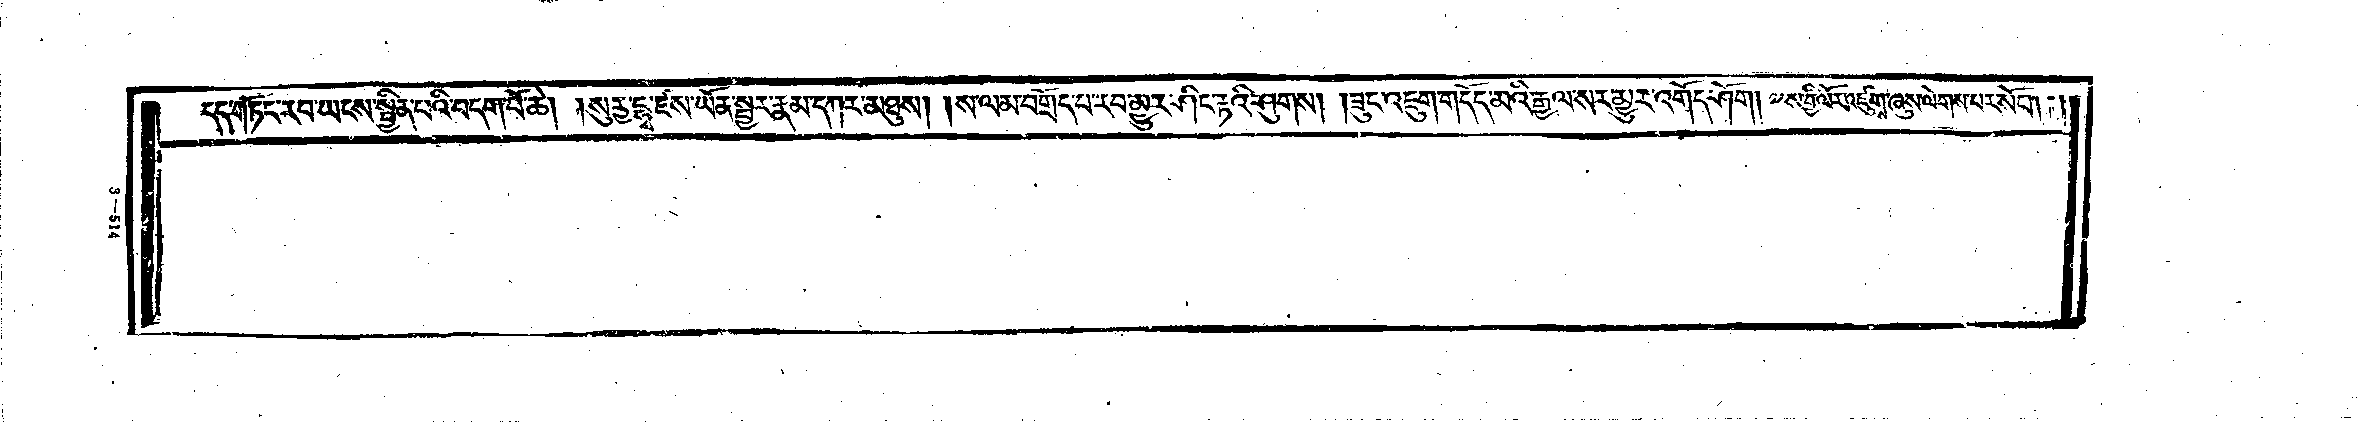དད་གཏོང་རབ་ཡངས་སྦྱིན་པའི་བདག་པོ་ཆེ། །སུརྱ་དྷྭ་ཛས་ཡོན་སྦྱར་རྣམ་དཀར་མཐུས། །ས་ལམ་བགྲོད་པ་རབ་མྱུར་ཤིང་རྟའི་ཤུགས། །ཟུང་འཇུག་གདོད་མའི་རྒྱལ་སར་མྱུར་འགོད་ཤོག །༧ས་བྱི་ལོར་འཛུགས་ཞུས་ལེགས་པར་སོག །